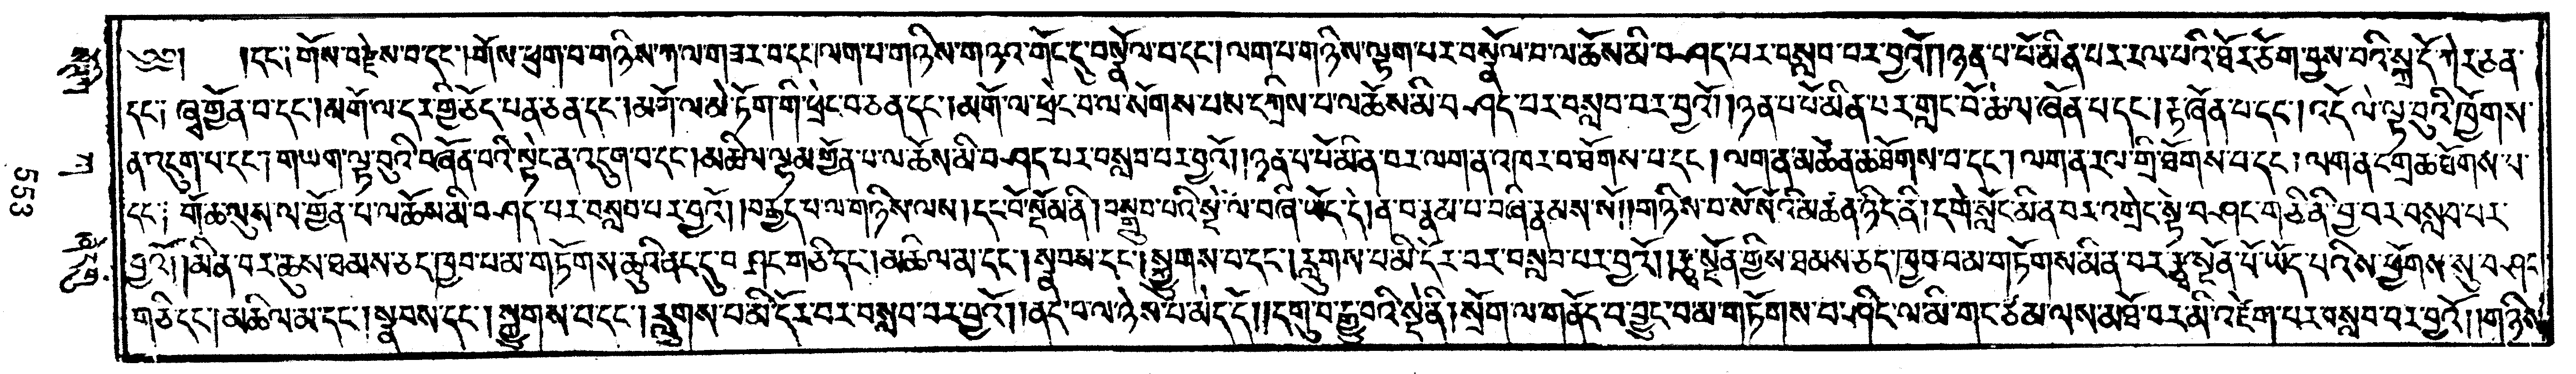༄༅། །དང༑ གོས་བརྫེས་བ་དང་། གོས་ཕྲག་བ་གཉིས་ཀ་ལ་གཟར་བ་དང་། ལག་པ་གཉིས་གཉའ་གོང་དུ་བསྣོལ་བ་དང་། ལག་པ་གཉིས་ལྷག་པར་བསྣོལ་བ་ལ་ཆོས་མི་བཤད་པར་བསླབ་པར་བྱའོ། །ཉན་པ་པོ་མིན་པར་རལ་པའི་ཐོར་ཅོག་བྱས་བའི་སྐྲ་དོ་ཀེར་ཅན་
དང༑ ཞྭ་གྱོན་བ་དང་། མགོ་ལ་དར་གྱི་ཅོད་པན་ཅན་དང་། མགོ་ལ་མེ་ཏོག་གི་ཕྲེང་བ་ཅན་དང་། མགོ་ལ་ཕྲེང་བ་ལ་སོགས་པས་དཀྲིས་པ་ལ་ཆོས་མི་བཤད་པར་བསླབ་པར་བྱའོ། །ཉན་པ་པོ་མིན་པར་གླང་བོ་ཆེ་ལ་ཞོན་པ་དང་། རྟ་ཞོན་པ་དང་། འདོ་ལེ་ལྟ་བུའི་ཁྱོགས་
ན་འདུག་པ་དང་། གཡག་ལྟ་བུའི་བཞོན་པའི་སྟེང་ན་འདུག་བ་དང་། མཆིལ་ལྷམ་གྱོན་པ་ལ་ཆོས་མི་བཤད་པར་བསླབ་པར་བྱའོ། །ཉན་པ་པོ་མིན་པར་ལག་ན་འཁར་བ་ཐོགས་པ་དང་། ལག་ན་མཚོན་ཆ་ཐོགས་བ་དང་། ལག་ན་རལ་གྲི་ཐོགས་པ་དང་། ལག་ན་དགྲ་ཆ་ཐོགས་པ་
དང༑ གོ་ཆ་ལུས་ལ་གྱོན་པ་ལ་ཆོས་མི་བཤད་པར་བསླབ་པར་བྱའོ། །བརྒྱད་པ་ལ་གཉིས་ལས། དང་པོ་སྡོམ་ནི། བསྒྲུབ་པའི་སྡེ་ལ་བཞི་ཡོད་དེ། ན་བ་རྣམ་པ་བཞི་རྣམས་སོ། །གཉིས་པ་སོ་སོའི་མཚན་ཉིད་ནི། དགེ་སློང་མིན་བར་འགྲེང་སྟེ་བཤང་གཅི་ནི་བྱ་བར་བསླབ་པར་
བྱའོ། །མིན་བར་ཆུས་ཐམས་ཅད་ཁྱབ་པ་མ་གཏོགས་ཆུའི་ནང་དུ་བཤང་གཅི་དང་། མཆིལ་མ་དང་། སྣབས་དང་། སྐྱུགས་པ་དང་། རླུགས་པ་མི་དོར་བར་བསླབ་པར་བྱའོ། །རྩྭ་སྔོན་གྱིས་ཐམས་ཅད་ཁྱབ་བ་མ་གཏོགས་མིན་བར་རྩྭ་སྔོན་པོ་ཡོད་པའི་ས་ཕྱོགས་སུ་བཤང་
གཅི་དང་། མཆིལ་མ་དང་། སྣབས་དང་། སྐྱུགས་པ་དང་། རླུགས་པ་མི་དོར་བར་བསླབ་བར་བྱའོ། །ནད་བ་ལ་ཉེས་པ་མེད་དོ། །དགུ་བ་རྒྱུ་བའི་སྡེ་ནི། སྲོག་ལ་གནོད་བ་བྱུང་བ་མ་གཏོགས་བ་ཤིང་ལ་མི་གང་ཙམ་ལས་མཐོ་བར་མི་འཛེག་པར་བསླབ་བར་བྱའོ། །གཉིས་